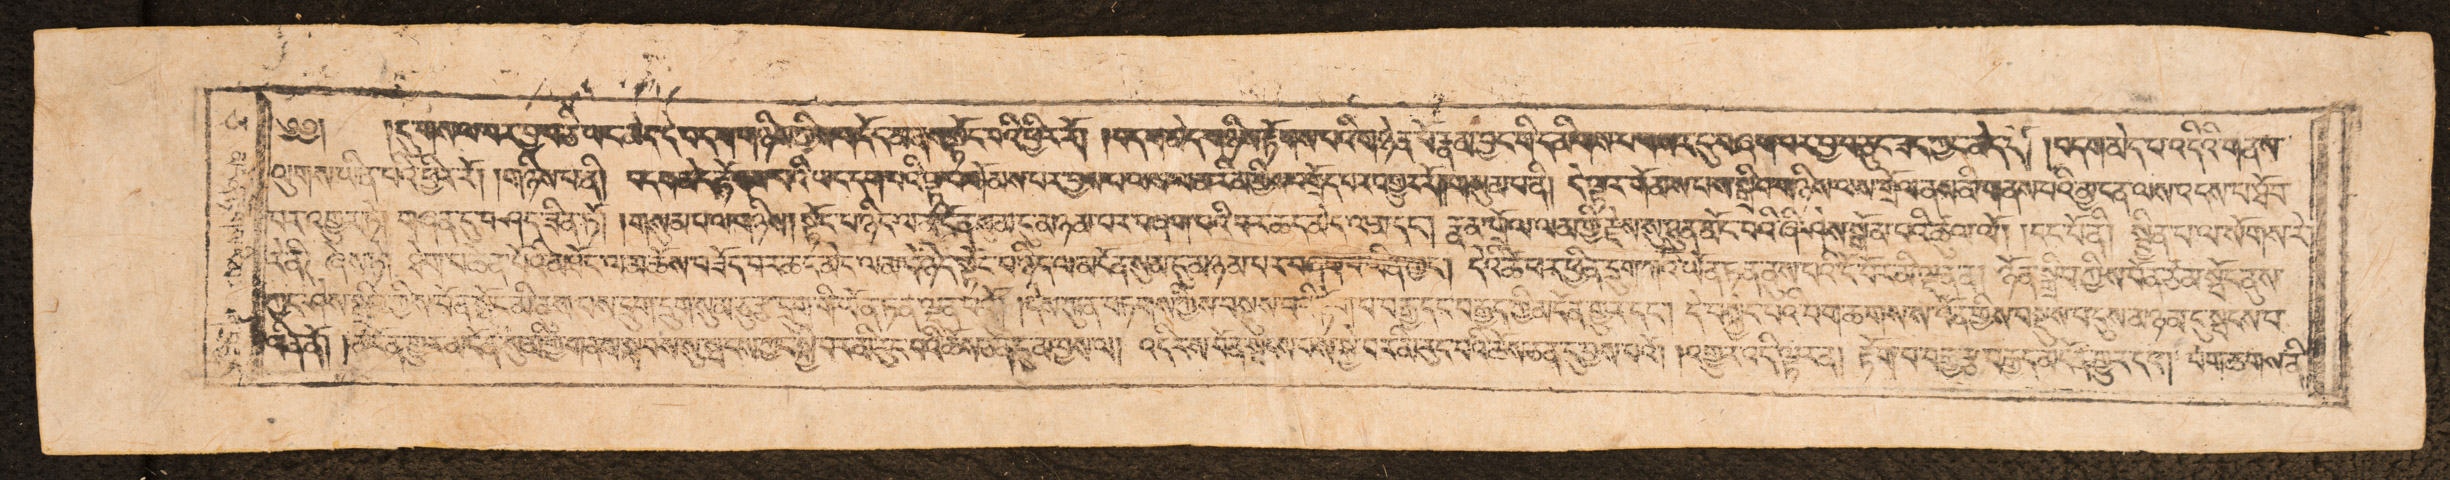༄༅། །དུ་གསལ་བར་བྱ་བ་ཅི་ཡང་མེད་དེ་བདག་གཉིས་ཀྱིས་གདོད་མ་ནས་སྟོང་པའི་ཕྱིར་རོ། །བདག་མེད་གཉིས་རྟོགས་པའི་གཉེན་པོ་རྣམ་བྱང་གི་དམིགས་པ་གསར་དུ་བཞག་པར་བྱ་བ་ཅུང་ཟད་ཀྱང་མེད་དོ། །བདག་མེད་པ་འདིའི་གནས་
ལུགས་ཡིན་པའི་ཕྱིར་རོ། །གཉིས་པ་ནི། བདག་མེད་རྟོགས་པའི་ཡང་དག་པའི་ལྟ་བ་གོམས་པར་བྱས་པ་ལས་ལམ་རིམ་གྱིས་བགྲོད་པར་འགྱུར་རོ། །གསུམ་པ་ནི། དེ་ལྟར་གོམས་པས་སྒྲིབ་གཉིས་ལས་གྲོལ་ནས་མི་གནས་པའི་མྱ་ངན་ལས་འདས་པ་ཐོབ་
པར་འགྱུར་ཏེ། གཞན་དུ་བཤད་ཟིན་ཏོ། །གསུམ་པ་ལ་གཉིས། སྟོང་པ་ཉིད་ལ་མངོན་སུམ་དུ་མཉམ་པར་བཞག་པའི་བར་ཆད་མེད་ལམ་དང་། རྣམ་གྲོལ་ལམ་གྱི་རྗེས་སུ་ཐུན་མོང་བའི་ཞི་ཤེས་སྒོམ་པའི་ཚུལ་ལོ། །དང་པོ་ནི། སྦྱིན་པ་ལ་སོགས་རེ་
རེ་ནི། ཞེས་ཏེ། ཐེག་པ་ཆེན་པོའི་མཐོང་ལམ་ཆོས་བཟོད་བར་ཆད་མེད་ལམ་དེ་ཉིད་སྟོང་པ་ཉིད་ལ་མངོན་སུམ་དུ་མཉམ་པར་བཞག་པ་ཡིན་ཀྱང་། དེའི་ཚེ་ཕར་ཕྱིན་དྲུག་ཀའི་ཡོན་ཏན་ནུས་པའི་ངོ་བོར་མི་ལྡན་ན། ཉོན་སྒྲིབ་ཀྱི་ས་བོན་ཙམ་སྤོང་ནུས་
ཀྱང་ཤེས་སྒྲིབ་ཀྱི་ས་བོན་སྤོང་མི་ནུས་པས་དྲུག་དྲུག་སུམ་ཅུ་རྩ་དྲུག་གི་ཡོན་ཏན་ལྡན་པའོ། །དེས་ཀུན་བཏགས་ཀྱིས་བསྡུས་པའི་རྟོག་པ་བརྒྱ་དང་བརྒྱད་ཀྱི་མངོན་གྱུར་དང་། དེ་བསྐྱེད་པའི་བག་ཆགས་ས་བོན་གྱིས་བསྡུས་པ་དུས་མཉམ་དུ་སྤངས་པ་
ཡིན་ནོ། །མངོན་གྱུར་མངོན་སུམ་གྱི་གནས་སྐབས་སུ་སྤངས་ཀྱང་སྐྱེ་བར་མི་རུང་བའི་ཆོས་ཅན་དུ་མ་བྱས་ལ། འདིར་ས་བོན་སྤངས་པས་སྐྱེ་བར་མི་རུང་བའི་ཆོས་ཅན་དུ་བྱས་པའོ། །འགྱུར་འདི་ལྟར་ན། རྟོག་པ་བརྒྱ་རྩ་བརྒྱད་མངོན་གྱུར་དང་། བག་ཆགས་ནི་